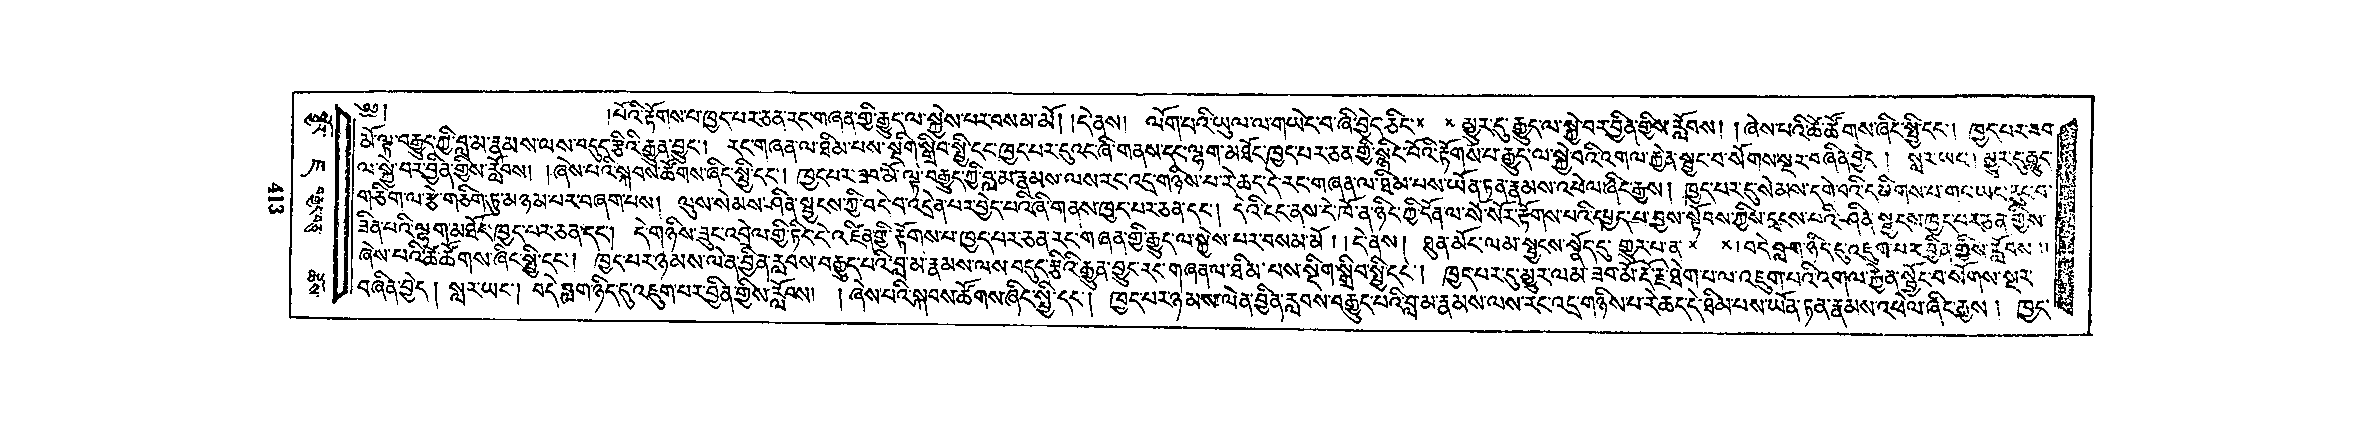༄༅། །པོའི་རྟོགས་པ་ཁྱད་པར་ཅན་རང་གཞན་གྱི་རྒྱུད་ལ་སྐྱེས་པར་བསམ་མོ། །དེ་ནས། ལོག་པའི་ཡུལ་ལ་གཡེང་བ་ཞི་བྱེད་ཅིང་྾་྾་མྱུར་དུ་རྒྱུད་ལ་སྐྱེ་བར་བྱིན་གྱིས་རློབས། །ཞེས་པའི་ཚེ་ཚོགས་ཞིང་སྤྱི་དང་། ཁྱད་པར་ཟབ་
མོ་ལྟ་བརྒྱུད་ཀྱི་བླ་མ་རྣམས་ལས་བདུད་རྩིའི་རྒྱུན་བྱུང་། རང་གཞན་ལ་ཐིམ་པས་སྡིག་སྒྲིབ་སྤྱི་དང་ཁྱད་པར་དུའང་ཞི་གནས་དང་ལྷག་མཐོང་ཁྱད་པར་ཅན་གྱི་སྙིང་པོའི་རྟོགས་པ་རྒྱུད་ལ་སྐྱེ་བའི་འགལ་རྐྱེན་སྦྱང་བ་སོགས་སྔར་བཞིན་བྱེད། སླར་ཡང་། མྱུར་དུ་རྒྱུད་
ལ་སྐྱེ་བར་བྱིན་གྱིས་རློབས། །ཞེས་པའི་སྐབས་ཚོགས་ཞིང་སྤྱི་དང་། ཁྱད་པར་ཟབ་མོ་ལྟ་བརྒྱུད་ཀྱི་བླ་མ་རྣམས་ལས་རང་འདྲ་གཉིས་པ་རེ་ཆད་དེ་རང་གཞན་ལ་ཐིམ་པས་ཡོན་ཏན་རྣམས་འཕེལ་ཞིང་རྒྱས། ཁྱད་པར་དུ་སེམས་དགེ་བའི་དམིགས་པ་གང་ཡང་རུང་བ་
གཅིག་ལ་རྩེ་གཅིག་ཏུ་མཉམ་པར་བཞག་པས། ལུས་སེམས་ཤིན་སྦྱངས་ཀྱི་བདེ་བ་འདྲེན་པར་བྱེད་པའི་ཞི་གནས་ཁྱད་པར་ཅན་དང་། དེའི་ངང་ནས་དེ་ཁོ་ན་ཉིད་ཀྱི་དོན་ལ་སོ་སོར་རྟོགས་པའི་དཔྱད་པ་བྱས་སྟོབས་ཀྱིས་དྲངས་པའི་ཤིན་སྦྱངས་ཁྱད་པར་ཅན་གྱིས་
ཟིན་པའི་ལྷག་མཐོང་ཁྱད་པར་ཅན་དང་། དེ་གཉིས་ཟུང་འབྲེལ་གྱི་རིང་ངེ་འཛིན་གྱི་རྟོགས་པ་ཁྱད་པར་ཅན་རང་གཞན་གྱི་རྒྱུད་ལ་སྐྱེས་པར་བསམ་མོ། །དེ་ནས། ཐུན་མོང་ལམ་སྦྱངས་སྣོད་དུ་གྱུར་པ་ན་྾་྾་།བདེ་བླག་ཉིད་དུ་འཇུག་པར་བྱིན་གྱིས་རློབས། །
ཞེས་པའི་ཚེ་ཚོགས་ཞིང་སྤྱི་དང་། ཁྱད་པར་ཉམས་ལེན་བྱིན་རླབས་བརྒྱུད་པའི་བླ་མ་རྣམས་ལས་བདུད་རྩིའི་རྒྱུན་བྱུང་རང་གཞན་ལ་ཐིམ་པས་སྡིག་སྒྲིབ་སྤྱི་དང་། ཁྱད་པར་དུ་མྱུར་ལམ་ཟབ་མོ་རྡོ་རྗེ་ཐེག་པ་ལ་འཇུག་པའི་འགལ་རྐྱེན་སྦྱོང་བ་སོགས་སྔར་
བཞིན་བྱེད། སླར་ཡང་། བདེ་བླག་ཉིད་དུ་འཇུག་པར་བྱིན་གྱིས་རློབས། །ཞེས་པའི་སྐབས་ཚོགས་ཞིང་སྤྱི་དང་། ཁྱད་པར་ཉམས་ལེན་བྱིན་རླབས་བརྒྱུད་པའི་བླ་མ་རྣམས་ལས་རང་འདྲ་གཉིས་པ་རེ་ཆད་དེ་ཐིམ་པས་ཡོན་ཏན་རྣམས་འཕེལ་ཞིང་རྒྱས། ཁྱད་